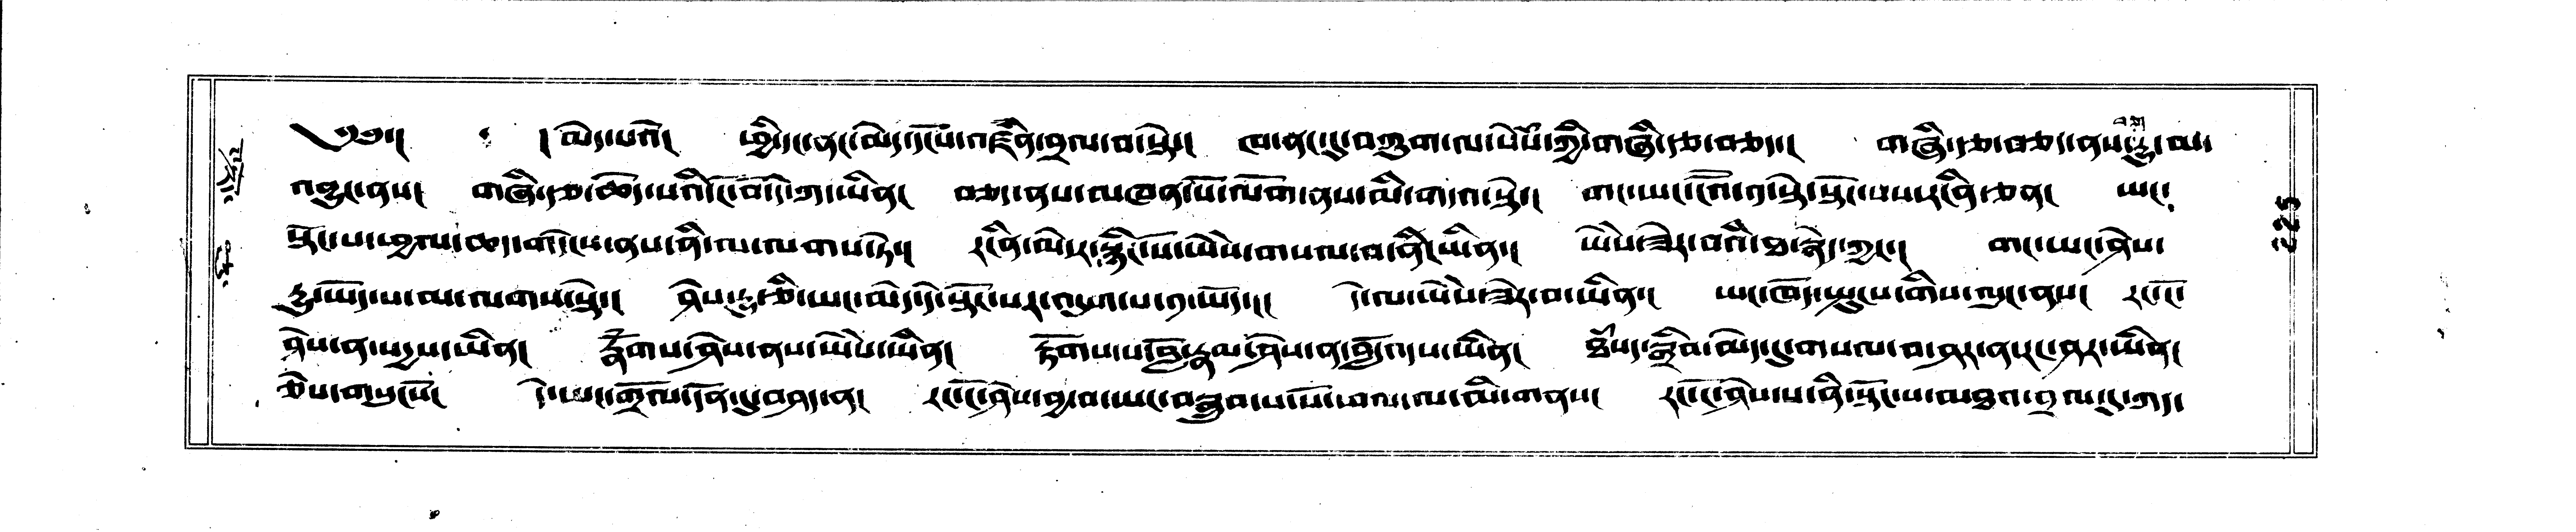མེད་པའོ། ཕྱི་དང་ནང་མེད་དངོས་འཛིན་བྲལ་བ་དེ། ཁ་ནང་དུ་བཀུག་ལ་སེམས་ཀྱིས་གཞི་རྩ་བཅད། གཞི་རྩ་བཅད་ནས་བཅད་རྒྱུ་མ་
བྱུང་ན། གཞི་རྩ་ཆོད་པའི་ངོའོ་དེ་ཀ་ཡིན། བཅད་པའི་མཁན་པོ་ལོག་ན་མི་གདའ་སྟེ། གང་ཡང་ངོའོ་སྟོང་སྟེ་སྟོང་པའི་རང་བཞིན་ཅན། ཡང་
སྟོང་པ་ཕྱལ་ཆད་རྡིང་པོ་ནི་མ་ལགས་ཏེ། རང་བཞིན་མེད་པའི་སྙིང་པོར་ཡེ་ཤེས་གསལ་བ་ཡིན། ཡེ་ཤེས་ཟེར་བའི་ཐ་སྙད་ཀྱང་། གང་ཡང་ཤེས་
རྒྱུ་ཡོད་པ་མ་ལགས་སྟེ། ཤེས་རྒྱུ་ཅི་ཡང་མེད་སྟེ་སྟོང་པར་འདུག་པ་གཅིག་ཡོད། དེ་ལ་ཡེ་ཤེས་ཟེར་བ་ཡིན། ཡང་ཁོད་སྤུང་གིས་ལུང་ནས་ཀྱང་། རང་ངོ་
ཤེས་ན་སངས་རྒྱས་ཡིན། རྣམ་རྟོག་ཤེས་ན་ཡེ་ཤེས་ཡིན། རྟོགས་པའི་བློ་རྣམས་ཤེས་ན་བློ་འདས་ཡིན། ཐམས་ཅད་་སྒྲིབ་མེད་དུ་གསལ་ན་རང་ཤར་ཡིན། 
ཅེས་གསུངས། དེ་ཡང་བཀྲོལ་དོན་དུ་བཤད་ན། རང་ངོ་ཤེས་བྱ་བ་ཡང་སྒྲུབས་པ་པོ་ཕལ་ལ་མི་གནས། རང་ངོ་ཤེས་པ་ནི་སྟོང་པ་མཐའ་བྲལ་དུ་ཀད་